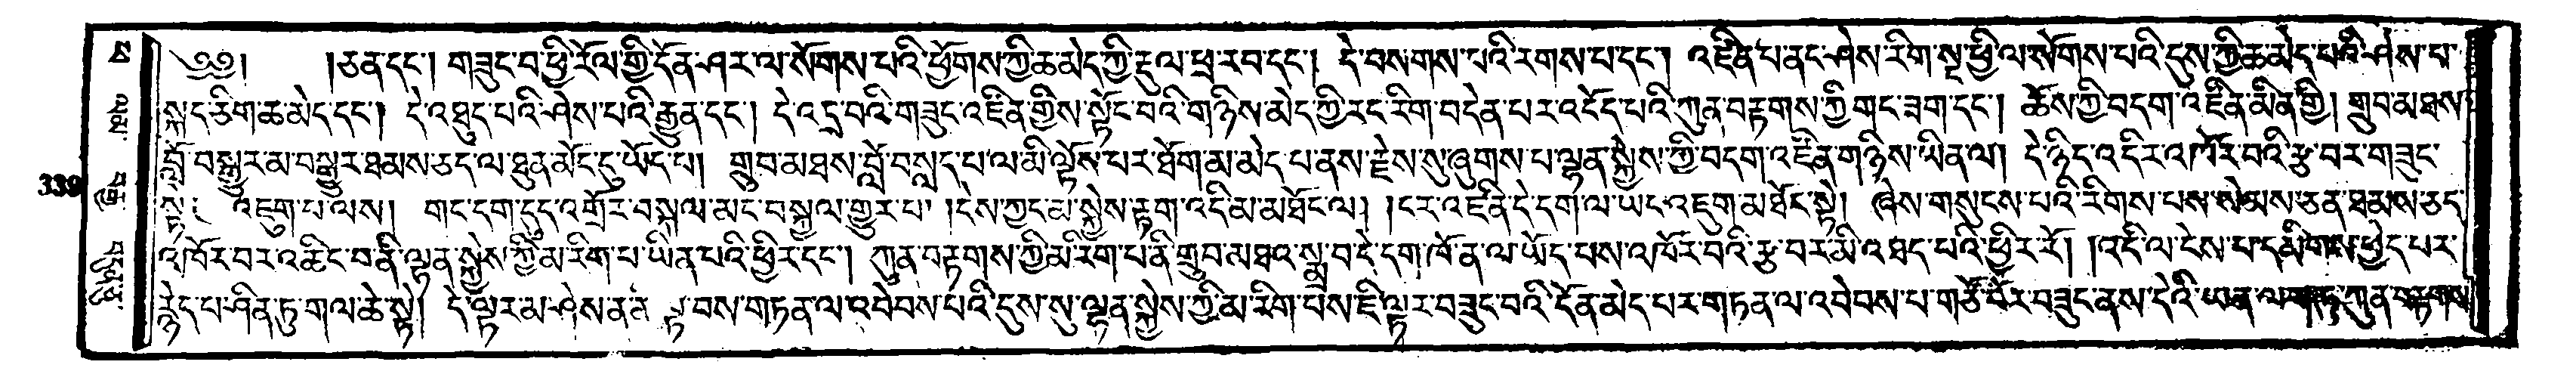༄༅། །ཅན་དང་། གཟུང་བ་ཕྱིར་རོལ་གྱི་དོན་ཤར་ལ་སོགས་པའི་ཕྱོགས་ཀྱི་ཆ་མེད་ཀྱི་རྡུལ་ཕྲ་རབ་དང་། དེ་བསགས་པའི་རགས་པ་དང་། འཛིན་པ་ནང་ཤེས་རིག་སྔ་ཕྱི་ལ་སོགས་པའི་དུས་ཀྱི་ཆ་མེད་པའི་ཤེས་པ་
སྐད་ཅིག་ཆ་མེད་དང་། དེ་འཐུད་པའི་ཤེས་པའི་རྒྱུན་དང་། དེ་འདྲ་བའི་གཟུང་འཛིན་གྱིས་སྟོང་བའི་གཉིས་མེད་ཀྱི་རང་རིག་བདེན་པར་འདོད་པའི་ཀུན་བརྟགས་ཀྱི་གང་ཟག་དང་། ཆོས་ཀྱི་བདག་འཛིན་མིན་གྱི། གྲུབ་མཐས་
བློ་བསྒྱུར་མ་བསྒྱུར་ཐམས་ཅད་ལ་ཐུན་མོངས་དུ་ཡོད་པ། གྲུབ་མཐས་བློ་བསླད་པ་ལ་མི་ལྟོས་པར་ཐོག་མ་མེད་པ་ནས་རྗེས་སུ་ཞུགས་པ་ལྷན་སྐྱེས་ཀྱི་བདག་འཛིན་གཉིས་ཡིན་ལ། དེ་ཉིད་འདིར་འཁོར་བའི་རྩ་བར་གཟུང་
སྟེ༑ འཇུག་པ་ལས། གང་དག་དུད་འགྲོར་བསྐལ་མང་བསྐྱལ་གྱུར་པ། །དེས་ཀྱང་མ་སྐྱེས་རྟག་འདི་མ་མཐོང་ལ། །ངར་འཛིན་དེ་དག་ལ་ཡང་འཇུག་མཐོང་སྟེ། ཞེས་གསུངས་པའི་རིགས་པས་སེམས་ཅན་ཐམས་ཅད་
འཁོར་བར་འཆིང་བ་ནི་ལྷན་སྐྱེས་ཀྱི་མ་རིག་པ་ཡིན་པའི་ཕྱིར་དང་། ཀུན་བརྟགས་ཀྱི་མ་རིག་པ་ནི་གྲུབ་མཐའ་སྨྲ་བ་དེ་དག་ཁོ་ན་ལ་ཡོད་པས་འཁོར་བའི་རྩ་བར་མི་འཐད་པའི་ཕྱིར་རོ། །འདི་ལ་ངེས་པ་དམིགས་ཕྱེད་པར་
རྙེད་པ་ཤིན་ཏུ་གལ་ཆེ་སྟེ། དེ་ལྟར་མ་ཤེས་ན་ནི་ལྟ་བས་གཏན་ལ་འབེབས་པའི་དུས་སུ་ལྷན་སྐྱེས་ཀྱི་མ་རིག་པས་ཇི་ལྟར་བཟུང་བའི་དོན་མེད་པར་གཏན་ལ་འབེབས་པ་གཙོ་བོར་བཟུང་ནས་དེའི་ཡན་ལག་ཏུ་ཀུན་བརྟགས་